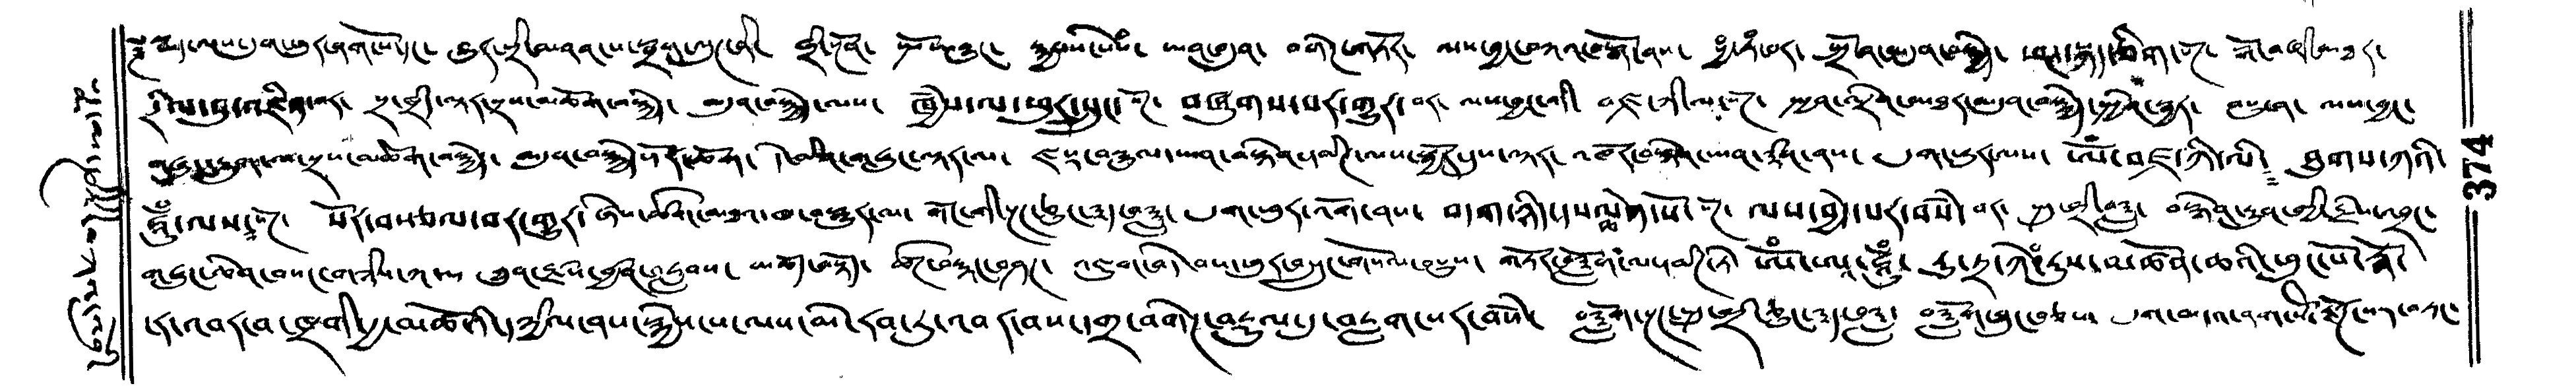༈ སྨད་ལས་དུག་ཕུར་ནག་པོ་དང་། བྱུར་སྲི་མནན་པ་སྦྲགས་ལུགས་ནི། ཧྲཱིཿསྔོན༴ སྤོས་ཕྱུང་། སྐྱབས་སེམས། ཡན་བདུན། བགེགས་གཏོར། ལས་བྱང་བཀའ་བསྒོ་ནས། པྱཾ་ཏཾ༴ བར། སྤྲོ་ན་མདུན་བསྐྱེད། ཕཊཿསྐད་ཅིག༴ སོགས། སྒོ་བཞིའི་མཐར། 
དྲིལ་བུ་འཛིན༴ བར། པྲ་ཁྲིད་ལྟར་སྲས་མཆོག་བསྐྱེད། མདུན་བསྐྱེད་ལས།ཁྱམས་ལ་ཕུར་སྲུང༴ སོགས། བཞུགས་པར་གྱུར། བར། ལས་བྱང་གི བཛྲ་ཀི་ལ༴ སོགས། སྤྱན་འདྲེན་མཐར་མདུན་བསྐྱེད་སྤྱན་འདྲེན་སྦྱར། བསྡུ་ན། ལས་བྱང་
གཞུང་རྒྱུག་ལ་སྲས་མཆོག་བསྐྱེད། མདུན་བསྐྱེད་དོར་ན་ཆོག དེ་མིན་གཞུང་ལྟར་ལ། འཛབ་བསྐུལ་ཡན་བསྙེན་དམིགས་ལས་སྦྱོར་དུས་ལྟར། འཁོར་བསྙེན་ཡན་ཟིན་ནས། དུག་ཕུར་ལས། ཨོཾ་བཛྲ་ཀི་ལི༴ ཐུགས་ཀའི་
ཧཱུྃ་ལས༴ སོགས། སོ་སོར་བསྩལ་བར་གྱུར། ཞེས་ཚིག་མཐའ་ཁ་བསྒྱུར་ལ། གོང་གི་སྔགས་ཅུང་ཟད་བཟླ། དུག་ཕུར་འོག་ནས། བདག་ཉིད་དཔལ་ཆེན་པོ༴ སོགས། ལས་བྱེད་པར་བསམ། བར། སྤུ་གྲི་བཟླ། བསྙེན་རྒྱུན་གྱི་རྗེས་འབྲང་
གཞུང་ཆེན་བསྲང་གཉིས་ཀས། ཐུན་རྫས་བྱིན་བརླབས། མཆོད་བསྟོད། ཚོགས་བསྐང་བཤགས། འཇུག་བདེ་བས་ཕུར་བསྲུང་གསོལ་བསྡུས། གཏོར་བཟློག་ལ་དམིགས་ཏེ། ཨོཾ་ཨཱ་ཧཱུྃ། རུ་ཏྲའི་ཀེཾ་རུས་མཚོན་ཆའི་ཕུང་པོ་རྣམ་
པར་འབར་བ་ཁྲག་གི་རྒྱ་མཚོའི་དཀྱིལ་ནས་སྐྱེས་པ་ལས་མེ་རབ་ཏུ་འབར་བས་དགྲ་བགེགས་རྡུལ་དུ་བརླག་པར་བསམ། བཟློག་སྔགས་སྤུ་གྲི་ཅུང་ཟད་བཟླ། བཟློག་ཐུང་བཅས། དུག་མདའ་ནག་པོ་རྫོགས་པར་བཏང་།